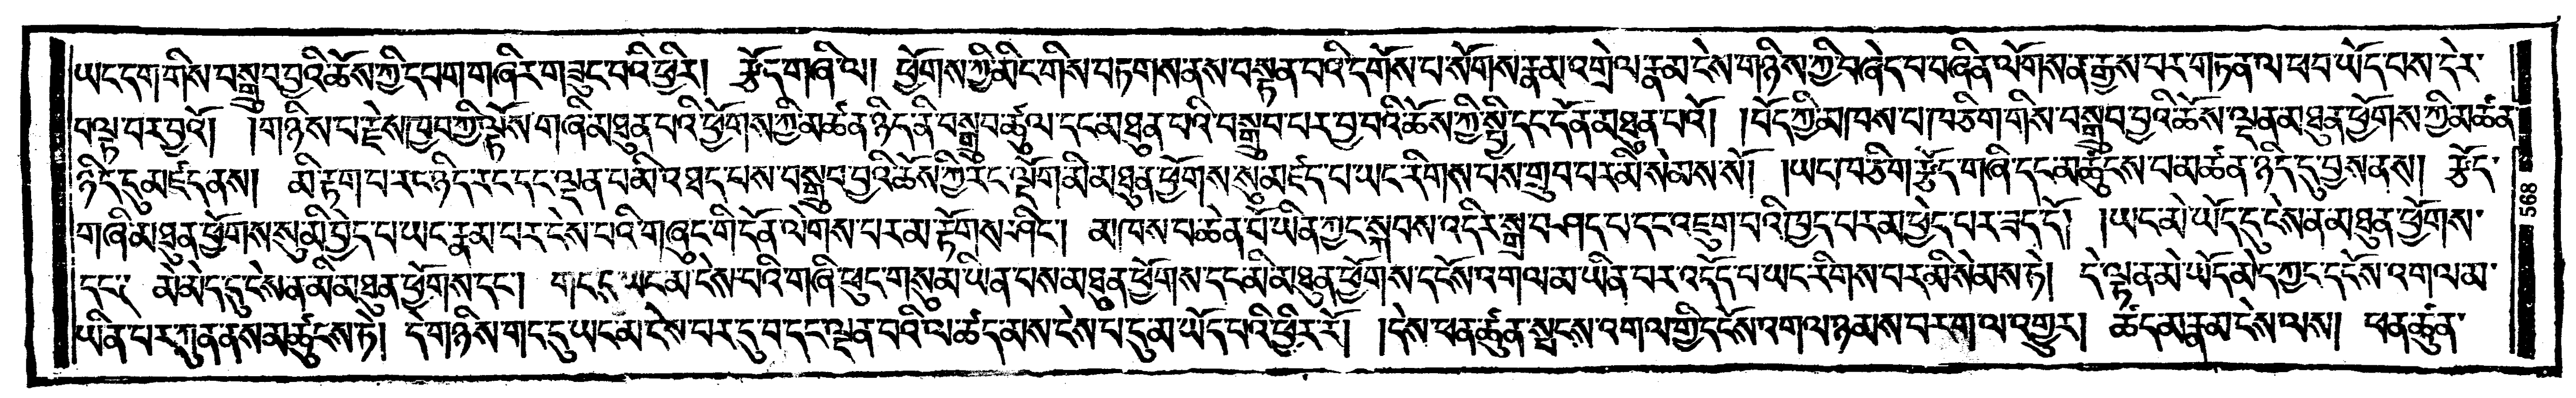ཡང་དག་གིས་བསྒྲུབ་བྱའི་ཆོས་ཀྱི་དཔག་གཞིར་གཟུང་བའི་ཕྱིར། རྩོད་གཞི་ལ། ཕྱོགས་ཀྱི་མིང་གིས་བཏགས་ནས་བསྟན་པའི་དགོས་པ་སོགས་རྣམ་འགྲེལ་རྣམ་ངེས་གཉིས་ཀྱི་བཞེད་པ་བཞིན་ལོགས་ན་རྒྱས་པར་གཏན་ལ་ཕབ་ཡོད་པས་དེར་
བལྟ་བར་བྱའོ། །གཉིས་པ་རྗེས་ཁྱབ་ཀྱི་ལྟོས་གཞི་མཐུན་པའི་ཕྱོགས་ཀྱི་མཚན་ཉིད་ནི་བསྒྲུབ་ཚུལ་དང་མཐུན་པའི་བསྒྲུབ་པར་བྱ་བའི་ཆོས་ཀྱི་སྤྱི་དང་དོན་མཐུན་པའོ། །བདོད་ཀྱི་མཁས་པ་ཁ་ཅིག་བསྒྲུབ་བྱའི་ཆོས་ལྡན་མཐུན་ཕྱོགས་ཀྱི་མཚན་
ཉིད་དུ་མཛད་ནས། མི་རྟག་པ་རང་ཉིད་རང་དང་ལྡན་པ་མི་འཐད་པས་བསྒྲུབ་བྱའི་ཆོས་ཀྱི་རང་ལྡོག་མི་མཐུན་ཕྱོགས་སུ་མཛད་པ་ཡང་རིགས་པས་གྲུབ་པར་མི་སོགས་སོ། །ཡང་ཁ་ཅིག་རྩོད་གཞི་དང་མཚུངས་པ་མཚན་ཉིད་དུ་བྱས་ནས། རྩོད་
གཞི་མཐུན་ཕྱོགས་སུ་མི་བྱེད་པ་ཡང་རྣམ་པར་ངེས་པའི་གཞུང་གི་དོན་ལེགས་པར་མ་རྟོགས་ཤིང་། མཁས་པ་ཆེན་པོ་ཡིན་ཀྱང་སྐབས་འདིར་སྒྲ་བཤད་པ་དང་འཇུག་པའི་ཁྱད་པར་མ་ཕྱེད་པར་ཟད་དོ། །ཡང་མེ་ཡོད་དུ་ངེས་ན་མཐུན་ཕྱོགས་
དང༑ མེ་མེད་དུ་ངེས་ན་མི་མཐུན་ཕྱོགས་དང་། གང་དུ་ཡང་མ་ངེས་པའི་གཞི་ཕུང་གསུམ་ཡིན་པས་མཐུན་ཕྱོགས་དང་མི་མཐུན་ཕྱོགས་དངོས་འགལ་མ་ཡིན་པར་འདོད་པ་ཡང་རིགས་པར་མི་སེམས་ཏེ། དེ་ལྟ་ན་མེ་ཡོད་མེད་ཀྱང་དངོས་འགལ་མ་
ཡིན་པར་ཀུན་ནས་མཚུངས་ཏེ། དེ་གཉིས་གང་དུ་ཡང་མ་ངེས་པར་དུ་བ་དང་ལྡན་བའི་ལ་ཚད་མས་ངེས་པ་དུ་མ་ཡོད་པའི་ཕྱིར་རོ། །དེས་ཕན་ཚུན་སྤངས་འགལ་གྱི་དངོས་འགལ་ཉམས་པར་ག་ལ་འགྱུར། ཚད་མ་རྣམ་ངེས་ལས། ཕན་ཚུན་